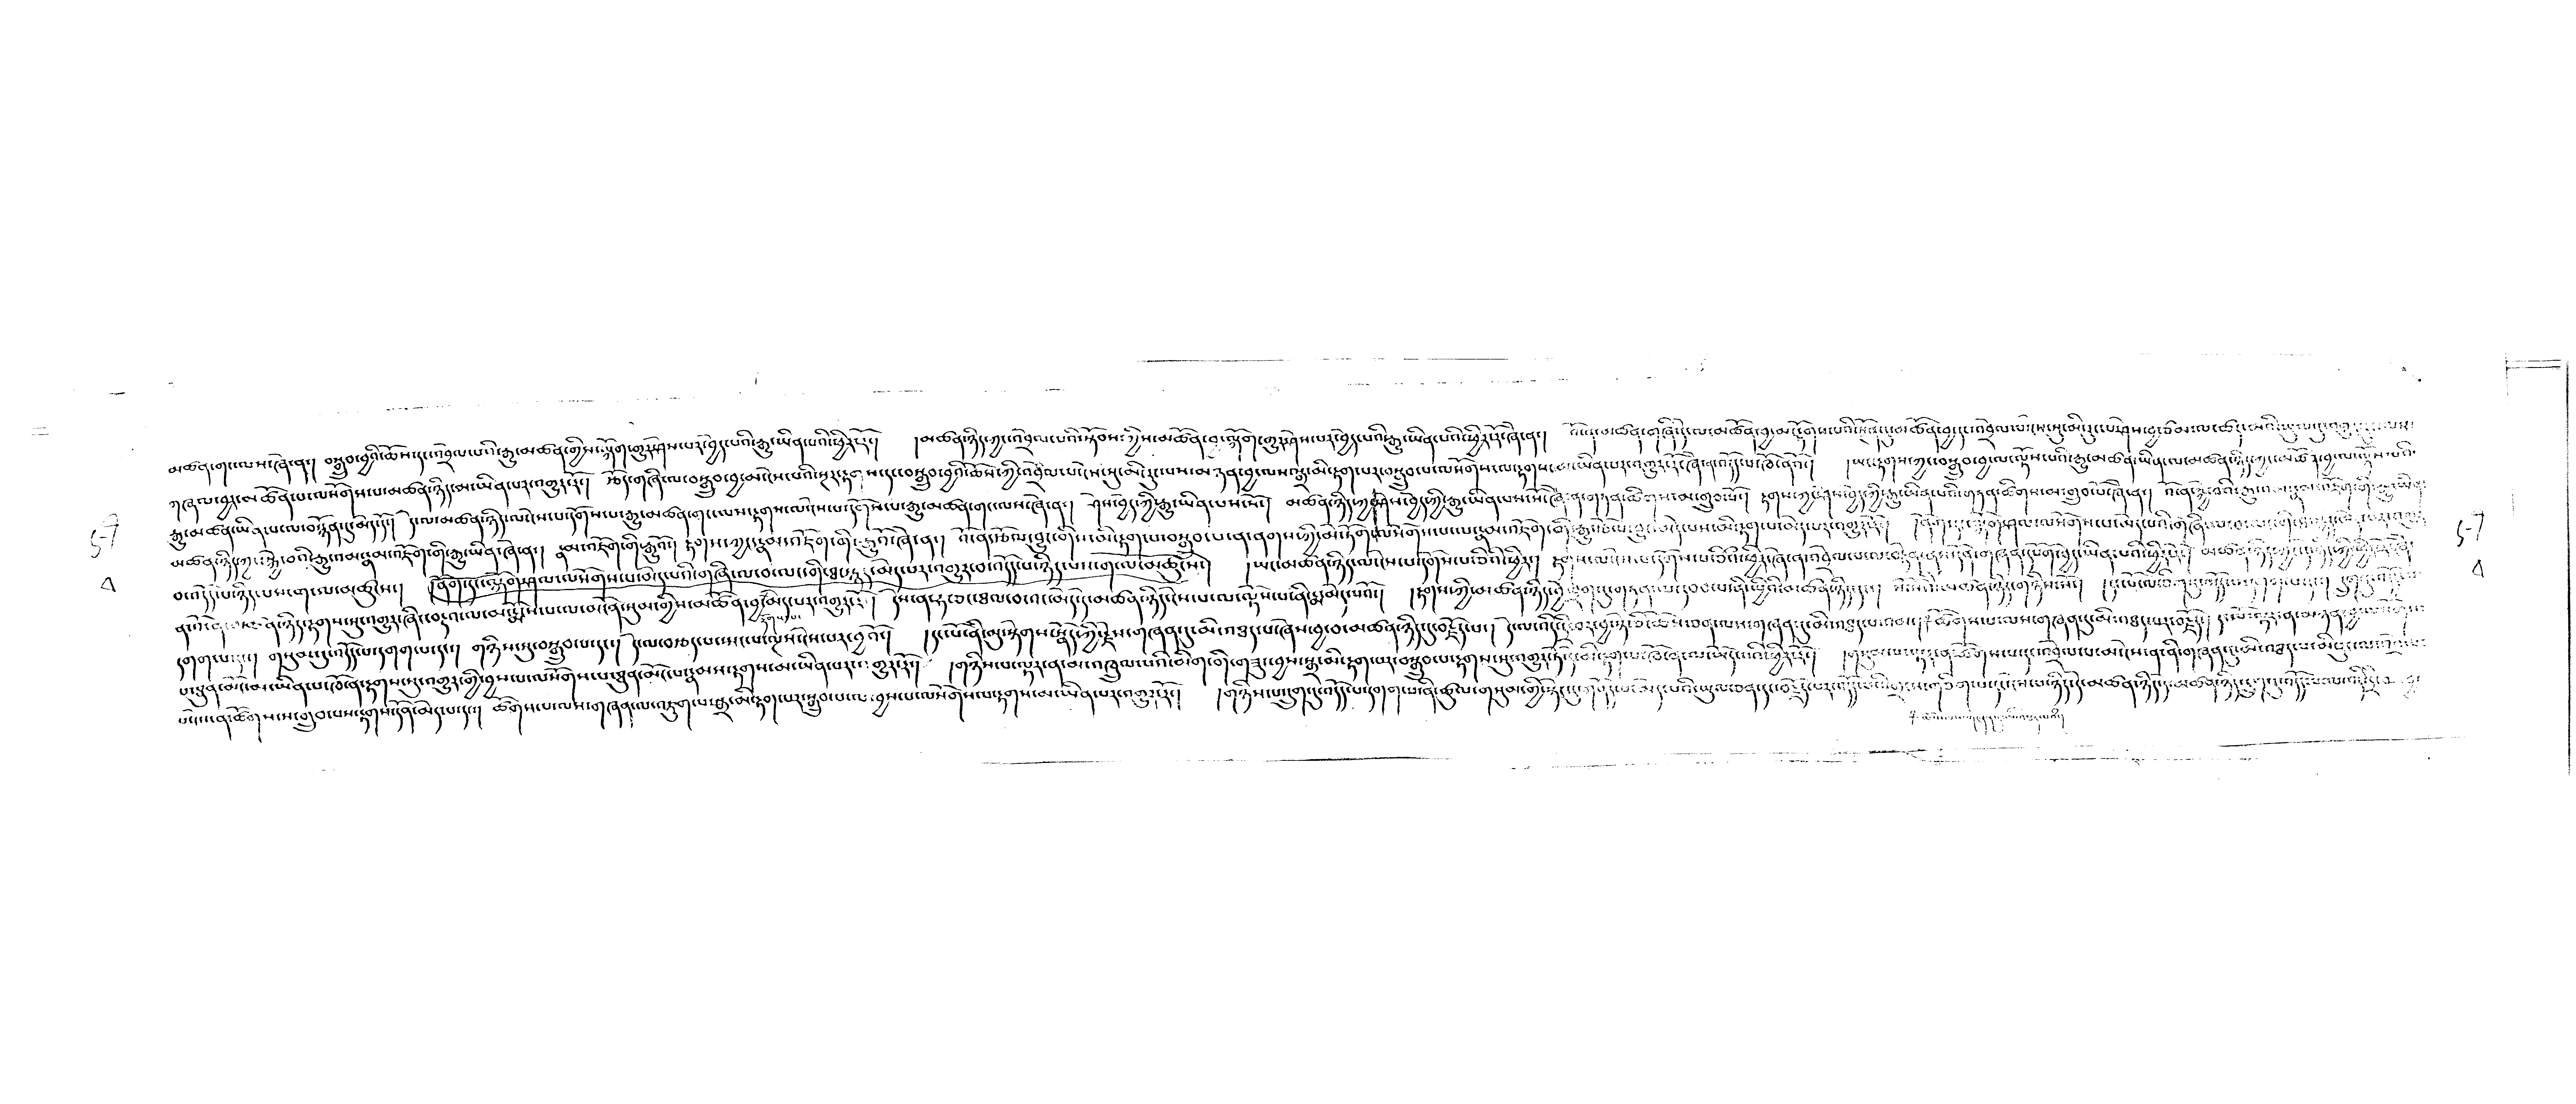མཚན་གང་ལས་ཞེ་ན། བསྒྲུབ་བྱའི་ཆོས་དང་འབྲེལ་པའི་རྒྱུ་མཚན་གྱིས་ལྐོག་གྱུར་ཤེས་པར་བྱེད་པའི་རྒྱུ་ཡིན་པའི་ཕྱིར་རོ། །མཚན་ཉིད་ཀྱང་འབྲེལ་པའི་སྟོབས་ཀྱིས་མཚོན་བྱ་ལྐོག་གྱུར་ཤེས་པར་བྱེད་པའི་རྒྱུ་ཡིན་པའི་ཕྱིར་རོ་ཞེ་ན། འོ་ན་མཚན་གཞི་དེ་ལ་མཚོན་བྱ་མ་རྟོགས་པའི་སྔོན་དུ་མཚོན་བྱ་དང་འབྲེལ་པ་ངེས་སུ་མི་རུང་པ་ཤེས་བྱ་ཙམ་ལ་ཚད་མའི་ཡུལ་དུ་འགྱུར་རུང་ལས་
གཞལ་བྱར་མཚོན་པ་ལ་སོགས་པ་མཚན་ཉིད་མ་ཡིན་པར་འགྱུར་རོ། རྩོད་གཞི་ལ་བསྒྲུབ་བྱ་མ་ངེས་པའི་སྔར་རྟགས་དང་བསྒྲུབ་བྱའི་ཆོས་ཀྱི་འབྲེལ་པ་ངེས་སུ་མི་རུང་པས་མཉན་བྱ་ལས་སྒྲ་མི་རྟག་པར་བསྒྲུབ་པ་ལ་སོགས་ལ་རྟགས་མ་ཡིན་པར་འགྱུར་རོ་ཞེ་ན་འདོད་པ་ཁོ་ནའོ། །ཡང་རྟགས་ཀྱང་བསྒྲུབ་བྱ་ལ་ལྟོས་པའི་རྒྱུ་མཚན་ཡིན་ལ་མཚན་ཉིད་ཀྱང་མཚོན་བྱ་ལ་ལྟོས་པའི་
རྒྱུ་མཚན་ཡིན་པ་ལ་བསྙོན་དུ་མེད་དོ། དེ་ལ་མཚན་ཉིད་ལ་ངེས་པ་དོགས་པ་རྒྱུ་མཚན་གང་ལས་རྟགས་ལ་ངེས་པ་དགོས་པ་རྒྱུ་མཚན་གང་ལས་ཞེ་ན། ཤེས་བྱེད་ཀྱི་རྒྱུ་ཡིན་པས་སོ། མཚན་ཉིད་ཀྱང་ཤེས་བྱེད་ཀྱི་རྒྱུ་ཡིན་པས་སོ་ཞེ་ན་གཏན་ཚིགས་མ་གྲུབ་པོ། རྟགས་ཀྱང་ཤེས་བྱེད་ཀྱི་རྒྱུ་ཡིན་པའི་གཏན་ཚིགས་མ་གྲུབ་པོ་ཞེ་ན། འོ་ན་སྐྱེ་བའི་རྒྱུ་འམ?་རྣམ་འཇོག་གི་རྒྱུ་ཡིན་
མཚན་ཉིད་ཀྱང་སྐྱེ་བའི་རྒྱུ་འམ་རྣམ་འཇོག་གི་རྒྱུ་ཡིན་ཞེ་ན། རྣམ་འཇོག་གི་རྒྱུའོ། རྟགས་ཀྱང་རྣམ་འཇོག་གི་རྒྱུའོ་ཞེ་ན། འོ་ན་རྩོལ་བྱུང་གིས་མི་རྟག་པ་བསྒྲུབ་པ་ན་ནགས་ཀྱི་མེ་ཏོག་ལ་སོགས་པ་ལ་རྣམ་འཇོག་གི་རྒྱུ་རྩོལ་བྱུང་མེད་པས་མི་རྟག་པ་མེད་པར་འགྱུར་རོ། །ནོག་དང་ལྐོག་ཤལ་ལ་སོགས་པ་མེད་པའི་གཞི་ལ་བ་ལང་གི་ཐ་སྙད་མེད?་པར་འགྱུར་
བ་འདོད་པ་ཉིད་པས་ག་ལ་མཚུངས། །ནོག་དང་ལྐོག་ཤལ་ལ་སོགས་པ་མེད་པའི་གཞི་ལ་བ་ལང་གི་ཐ་སྙད་མེད་པར་འགྱུར་བ་འདོད་པ་ཉིད་པས་ག་ལ་མཚུངས། །ཡང་མཚན་ཉིད་ལ་ངེས་པ་དགོས་པ་ཅིའི་ཕྱིར། རྟགས་ལ་ངེས་པ་དགོས་པ་ཅིའི་ཕྱིར་ཞེ་ན་འབྲེལ་པ་ལ་བརྟེན་ནས་དོན་གཞན་དཔོག་བྱེད་ཡིན་པའི་ཕྱིར་རོ། མཚན་ཉིད་ཀྱང་དེ་ཉིད་ཀྱི་ཕྱིར་རོ་ཞེ་
ན་འོ་ན་མཚན་ཉིད་རྟགས་སུ་འགྱུར་ཞིང་བརྡའ་ལ་མ་རྨོངས་པ་ལ་མངོན་སུམ་གྱིས་མཚོན་བྱ་རྟོགས་པ་མེད་པར་འགྱུར་རོ། དེས་ན་ཧ་ཅང་ཐལ་བ་འང་མེད་དེ་མཚན་ཉིད་ངེས་པ་ལ་ལྟོས་པ་ནི་རྨ་མེད་པའོ། །རྟགས་ཀྱི་མཚན་ཉིད་བྱེ་བྲག་དུ་གཏན་ལ་དབབ་པ་ནི་ཕྱིའི་མཚན་ཉིད་དང་། སོ་སོའི་མཚན་ཉིད་གཉིས་སོ། །དང་པོ་ལ་ཅིག་དུ་འདོད་པ་དགག་པ་དང་། དྲུག་དུ་འདོད་པ་
དགག་པ་དང་། གསུམ་དུ་འདོད་པ་དགག་པ་དང་། གཉིས་སུ་བསྒྲུབ་པ་དང་། དེ་ལ་བརྩད་པ་སྤང་པ་ལྔས་ངེས་པར་བྱའོ། །དང་པོ་ནི་མུ་སྟེགས་སྣོད་ཀྱི་རྗེས་གཞན་དུ་མི་འཐད་པ་ཞེས་བྱ་བ་མཚན་ཉིད་དུ་བརྗོད་པ། དེ་ལ་འདི་དྲི་བར་བྱ་སྟེ་ཅི་ཆོས་ཅན་ལས་གཞན་དུ་མི་འཐད་པ་འམ། ཆོས་?་གཞན་དུ་??་ཚོགས་པ་ལས་གཞན་དུ་མི་འཐད་པར་བརྗོད། དང་པོ་ལྟར་ན་མཉན་བྱ་ལ་སོགས་
པ་ཐུན་མོང་མ་ཡིན་པ་ཁོ་ན་རྟགས་སུ་འགྱུར་གྱི་བྱས་པ་ལ་སོགས་པ་ཐུན་མོང་པ་རྣམས་རྟགས་མ་ཡིན་པར་འགྱུར་རོ། །གཉིས་པ་ལྟར་ན་མ་འཁྲུལ་པའི་མིག་གི་གཟུང་བྱས་སྒྲ་མི་རྟག་པར་བསྒྲུབ་པ་རྟགས་སུ་འགྱུར་ཏེ་དེ་མི་རྟག་པ་ཁོ་ན་ལ་ཡོད་པའི་ཕྱིར་རོ། །གསུམ་པ་ལྟར་ན་ཚོགས་པ་དང་འབྲེལ་པ་མ་ངེས་ན་ནི་གཞན་དུ་མི་འཐད་པ་མི་རུང་ལ་འབྲེལ?
པ་ངེས་ན་ཚོགས་ས་གྲུབ་པས་རྟགས་དོན་མེད་པ་དང་། ཚོགས་པ་ལས་གཞན་ལ་འཇུག་པ་སྒྲ་མི་རྟག་པར་སྒྲུབ་པ་ལ་བྱས་པ་ལ་སོགས་པ་རྟགས་མ་ཡིན་པར་འགྱུར་རོ། །གཉིས་པ་དྲུག་དུ་འདོད་པ་དགག་པ་ནི་ཚུལ་གསུམ་གྱི་སྟེང་དུ་གནོད་པ་མེད་པའི་ཡུལ་ཅན་དང་བརྗོད་པར་འདོད་པའི་གྲངས་གཅིག་པ་དང་ངེས་པ་ཉིད་དེ་མཚན་ཉིད་དེ་མཚན་ཉིད་དྲུག་དུ་འདོད་པ?་ལ?་འདི་དྲི?་མ?་བྱ་